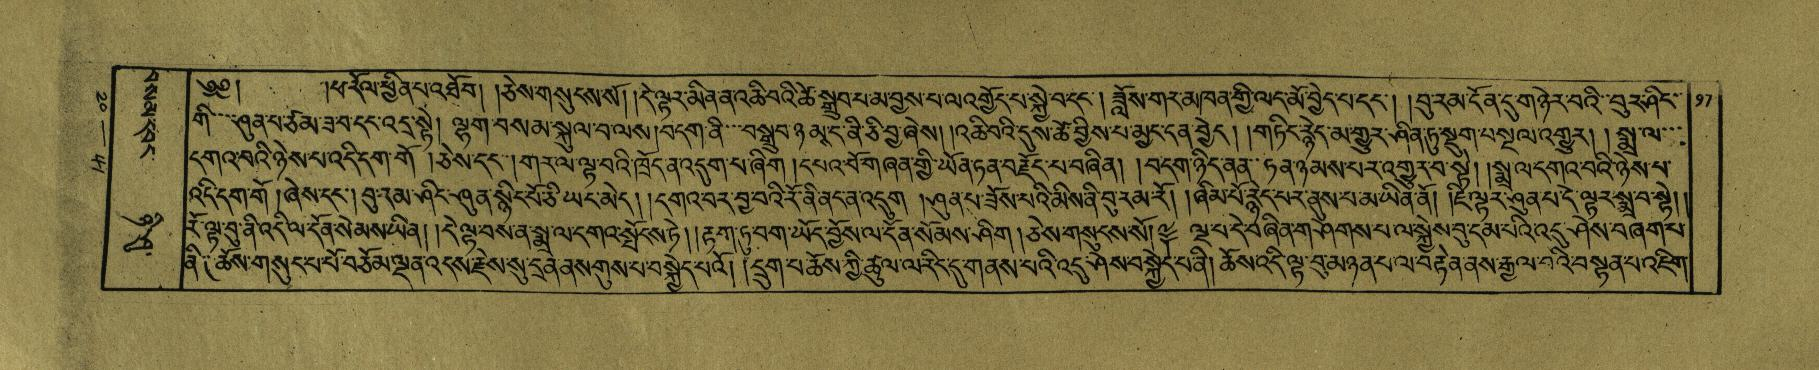༄༅། །ཕ་རོལ་ཕྱིན་པ་འཐོབ། །ཅེས་གསུངས་སོ། །དེ་ལྟར་མིན་ན་འཆི་བའི་ཚེ་སྒྲུབ་པ་མ་བྱས་པ་ལ་འགྱོད་པ་སྐྱེ་བ་དང་། ཟློས་གར་མཁན་གྱི་ལད་མོ་བྱེད་པ་དང་། །བུ་རམ་དོན་དུ་གཉེར་བའི་བུར་ཤིང་
གི་ཤུན་པ་ཙམ་ཟ་བ་དང་འདྲ་སྟེ། ལྷག་བསམ་སྐུལ་བ་ལས། བདག་ནི་བསྒྲུབ་ཉམས་ད་ནི་ཅི་བྱ་ཞེས། །འཆི་བའི་དུས་ཚེ་བྱིས་པ་མྱང་ངན་བྱེད། །གཏིང་རྙེད་མ་གྱུར་ཤིན་ཏུ་སྡུག་བསྔལ་འགྱུར། །སྨྲ་ལ་
དགའ་བའི་ཉེས་པ་འདི་དག་གོ །ཅེས་དང་།གར་ལ་ལྟ་བའི་ཁྲོད་ན་འདུག་པ་ཞིག །དཔའ་བོ་གཞན་གྱི་ཡོན་ཏན་བརྗོད་པ་བཞིན། །བདག་ཉིད་ནན་ཏན་ཉམས་པར་འགྱུར་བ་སྟེ། །སྨྲ་ལ་དགའ་བའི་ཉེས་པ་
འདི་དག་གོ །ཞེས་དང་། བུ་རམ་ཤིང་ཤུན་སྙིང་པོ་ཅི་ཡང་མེད། །དགའ་བར་བྱ་བའི་རོ་ནི་ནང་ན་འདུག །ཤུན་པ་ཟོས་པའི་མིས་ནི་བུ་རམ་རོ། །ཞིམ་པོ་རྙེད་པར་ནུས་པ་མ་ཡིན་ནོ། །ཇི་ལྟར་ཤུན་པ་དེ་ལྟར་སྨྲ་བ་སྟེ། །
རོ་ལྟ་བུ་ནི་འདི་ལ་དོན་སེམས་ཡིན། །དེ་ལྟ་བས་ན་སྨྲ་ལ་དགའ་སྤོངས་ཏེ། །རྟག་ཏུ་བག་ཡོད་བྱོས་ལ་དོན་སོམས་ཤིག །ཅེས་གསུངས་སོ། ༈ ལྔ་པ་དེ་བཞིན་གཤེགས་པ་ལ་སྐྱེས་བུ་དམ་པའི་འདུ་ཤེས་བཞག་པ་
ནི༑ ཆོས་གསུང་པ་པོ་བཅོམ་ལྡན་འདས་རྗེས་སུ་དྲན་ནས་གུས་པ་བསྐྱེད་པའོ། །དྲུག་པ་ཆོས་ཀྱི་ཚུལ་ལ་རིང་དུ་གནས་པའི་འདུ་ཤེས་བསྐྱེད་པ་ནི། ཆོས་འདི་ལྟ་བུ་མཉན་པ་ལ་བརྟེན་ནས་རྒྱལ་བའི་བསྟན་པ་འཇིག་